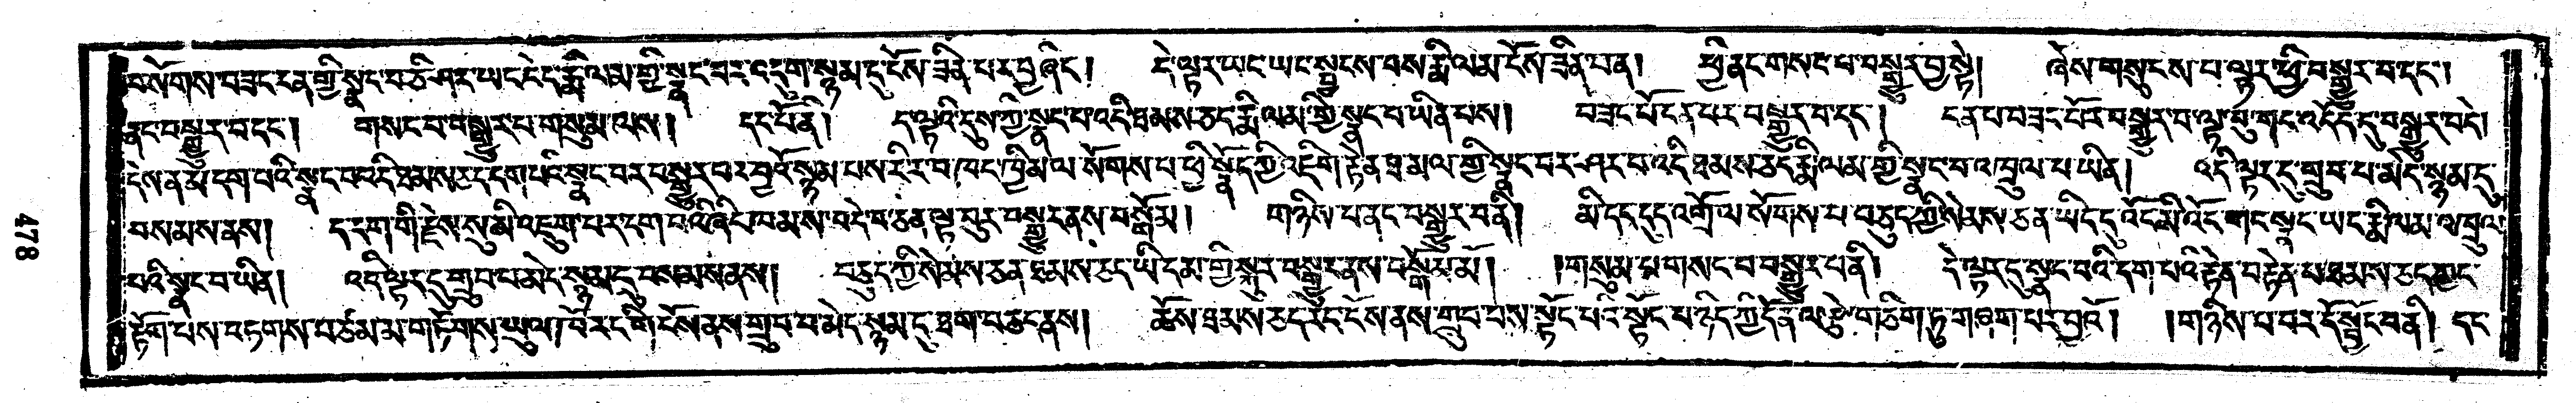བ་སོགས་བཟང་ངན་གྱི་སྣང་བ་ཅི་ཤར་ཡང་ངེད་རྨི་ལམ་གྱི་སྣང་བར་འདུག་སྙམ་དུ་ངོས་ཟིན་པར་བྱ་ཞིང་། དེ་ལྟར་ཡང་ཡང་སྦྱངས་བས་རྨི་ལམ་ངོས་ཟིན་པ་ན། ཕྱི་ནང་གསང་བ་བསྒྱུར་བྱས་སྟེ། ཞེས་གསུངས་པ་ལྟར་ཕྱི་བསྒྱུར་བ་དང་།
ནང་བསྒྱུར་བ་དང་། གསང་བ་བསྒྱུར་པ་གསུམ་ལས། དང་པོ་ནི། ད་ལྟའི་དུས་ཀྱི་སྣང་པ་འདི་ཐམས་ཅད་རྨི་ལམ་གྱི་སྣང་བ་ཡིན་པས། བཟང་པོ་ངན་པར་བསྒྱུར་བ་དང་། ངན་པ་བཟང་པོར་བསྒྱུར་བ་ལྟ་བུ་གང་འདོད་དུ་བསྒྱུར་བདེ།
དེས་ན་མ་དག་པའི་སྣང་བ་འདི་ཐམས་ཅད་དག་པའི་སྣང་བར་བསྒྱུར་བར་བྱའོ་སྙམ་པས་རི་རབ་ཁང་ཁྱིམ་ལ་སོགས་པ་ཕྱི་སྣོད་ཀྱི་འཇིག་རྟེན་ཐ་མལ་གྱི་སྣང་བར་ཤར་བ་འདི་ཐམས་ཅད་རྨི་ལམ་གྱི་སྣང་བ་འཁྲུལ་པ་ཡིན། འདི་ལྟར་དུ་གྲུབ་པ་མེད་སྙམ་དུ་
བསམས་ནས། ད་དག་གི་རྗེས་སུ་མི་འཇུག་པར་དག་པའི་ཞིང་ཁམས་བདེ་བ་ཅན་ལྟ་བུར་བསྒྱུར་ནས་བསྒོམ། གཉིས་པ་ནང་བསྒྱུར་བ་ནི། མི་དང་དུད་འགྲོ་ལ་སོགས་པ་བཅུད་ཀྱི་སེམས་ཅན་ཡིད་དུ་འོང་མི་འོང་གང་སྣང་ཡང་རྨི་ལམ་འཁྲུལ་
པའི་སྣང་བ་ཡིན། འདི་ལྟར་དུ་གྲུབ་པ་མེད་སྙམ་དུ་བསམས་ནས། བཅུད་ཀྱི་སེམས་ཅན་ཐམས་ཅད་ཡི་དམ་གྱི་སྐུར་བསྒྱུར་ནས་བསྒོམ་མོ། །གསུམ་པ་གསང་བ་བསྒྱུར་བ་ནི། དེ་ལྟར་དུ་སྣང་བའི་དག་པའི་རྟེན་བརྟེན་པ་ཐམས་ཅད་ཀྱང་
རྟོག་པས་བཏགས་པ་ཙམ་མ་གཏོགས་ཡུལ་ཁོ་རང་གི་ངོས་ནས་གྲུབ་པ་མེད་སྙམ་དུ་ཐག་བཅད་ནས། ཆོས་ཐམས་ཅད་རང་ངོས་ནས་གྲུབ་པས་སྟོང་པའི་སྟོང་པ་ཉིད་ཀྱི་དོན་ལ་རྩེ་གཅིག་ཏུ་གཞག་པར་བྱའོ། །གཉིས་པ་པར་དོ་སྦྱོང་བ་ནི། དང་